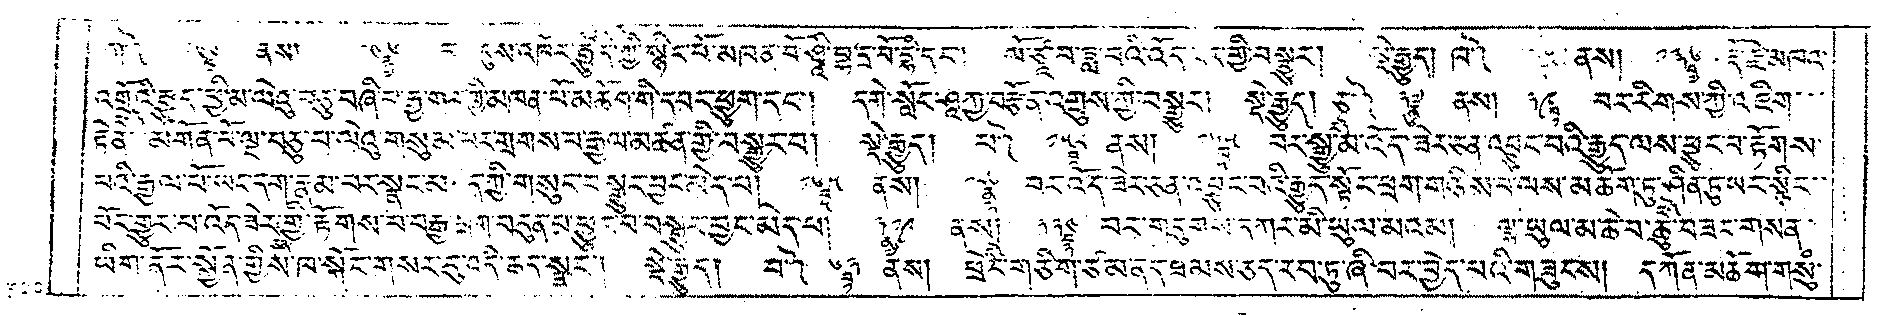ཀ} ༡༤༤་བ ༡་ནས། ༡༤༦་ན ༧་བར་དུས་འཁོར་རྒྱུད་གནས}་ཀྱི་སྙིང་པོ་མཁན་པོ་ཤྲཱི་བྷ་དྲ་བོ་དྷི་དང་། ལོ་ཙཱ་བ་ཟླ་བའི་འོད་ཟེར་གྱི་བསྒྱུར། སྡེ་རྒྱུད། ཁ} ༡༢༥་བ ༡་ནས། ༡༣༦་བ ༧་རྡོ་རྗེ་མཁའ་
འགྲོའི་རྒྱུད་ཕྱི་མ་ལེའུ་བཅུ་བཞི་པ་རྒྱ་གར་གྱི་མཁན་པོ་མཆོག་གི་དབང་ཕྱུག་དང་། དགེ་སློང་ཤཱཀྱ་བརྩོན་འགྲུས་ཀྱི་བསྒྱུར། སྡེ་རྒྱུད། ཅ} ༢༧་ན ༦་ནས། ༢༩་བ ༡་བར་རིགས་ཀྱི་འཇིག་
རྟེན་མགོན་པོ་ལྔ་བཅུ་པ་ལེའུ་གསུམ་པར་གྲགས་པ་རྒྱལ་མཚན་གྱི་བསྒྱུར་བ། སྡེ་རྒྱུད། ཕ} ༡༥༨་བ ༢་ནས། ༡༦༥་བ ༥་བར་སྒྱུ་མ་འོད་ཟེར་ཅན་འབྱུང་བའི་རྒྱུད་ལས་ཕྱུང་བ་རྟོགས་
པའི་རྒྱལ་པོ་ཡང་དག་རྣམ་པར་སྣང་མཛད་ཀྱི་གསུང་བསྒྱུར་བྱང་མེད་པ། ༡༦༥་བ ༥་ནས། ༡༨༦་ན ༣་བར་འོད་ཟེར་ཅན་འབྱུང་བའི་རྒྱུད་སྟོང་ཕྲག་གཉིས་པ་ལས་མཆོག་ཏུ་ཤིན་ཏུ་ཡང་སྙིང་
པོར་གྱུར་པ་འོད་ཟེར་ཅན་གྱི་རྟོགས་པ་བརྒྱ་ཕྲག་བདུན་པ་ཕྱུང་བ་བསྒྱུར་བྱང་མེད་པ། ༢༡༩་ན ༧་ནས། ༢༢༤་བ ༢་བར་གདུགས་དཀར་མི་ཡུལ་མའམ། ལྷ་ཡུལ་མ་ཆེ་བ་ཆུ་བཟང་གསན་
ཡིག་ནོར་སྐྱོན་གྱིས་ཁ་སྐོང་གསར་དུ་འདི་ཆད་སྣང་། སྡེ་རྒྱུད། བ} ༦༢་བ ༡་ནས། ཕྲེང་གཅིག་ཙམ་ནད་ཐམས་ཅད་རབ་ཏུ་ཞི་བར་བྱེད་པའི་གཟུངས། དཀོན་མཆོག་གསུཾ་